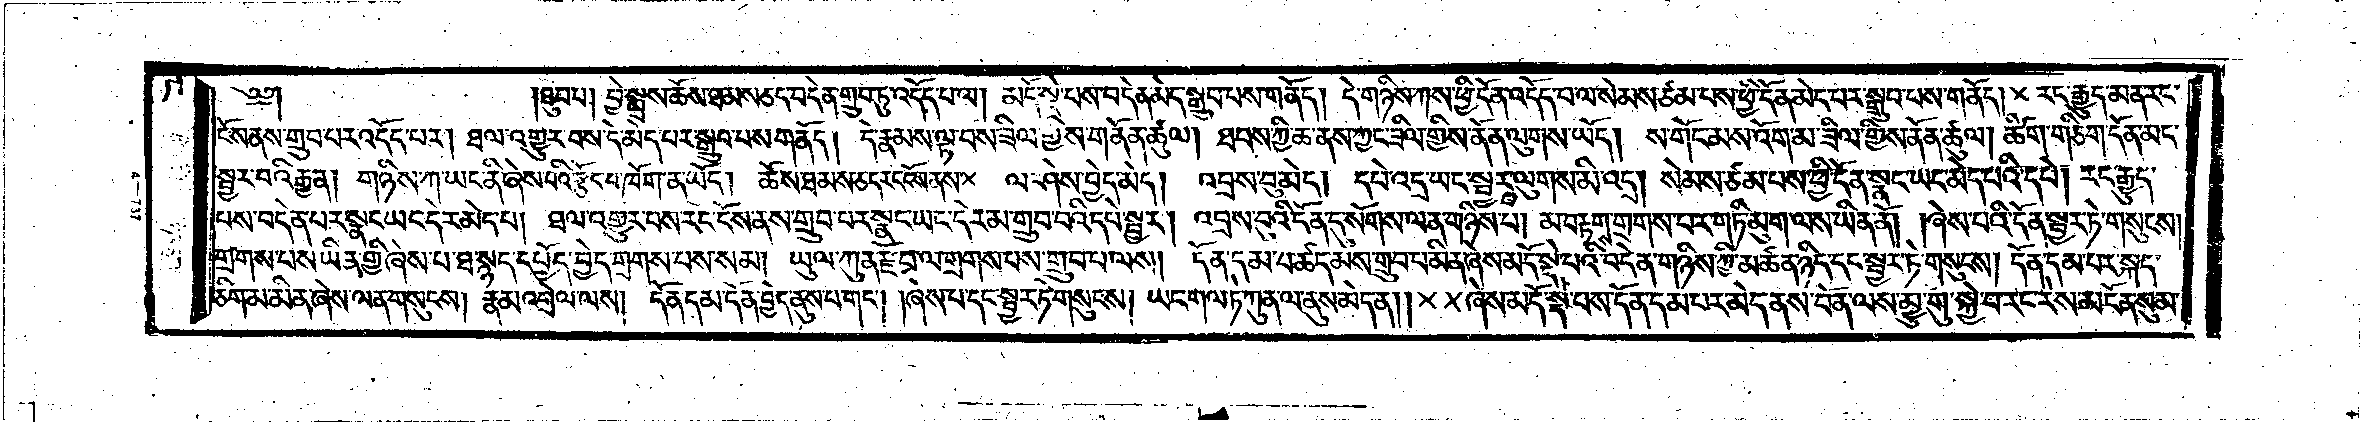༄༅། །ཐུབ་པ། བྱེ་སྒྲས་ཆོས་ཐམས་ཅད་བདེན་གྲུབ་ཏུ་འདོད་པ་ལ། མདོ་སྡེ་པས་བདེན་མེད་སྒྲུབ་པས་གནོད། དེ་གཉིས་ཀས་ཕྱི་དོན་འདོད་པ་ལ་སེམས་ཙམ་པས་ཕྱི་དོན་མེད་པར་སྒྲུབ་པས་གནོད། ྾་རང་རྒྱུད་མན་རང་
ངོས་ནས་གྲུབ་པར་འདོད་པར། ཐལ་འགྱུར་བས་དེ་མེད་པར་སྒྲུབ་པས་གནོད། དེ་རྣམས་ལྟ་བས་ཟིལ་གྱིས་གནོན་ཚུལ། ཐབས་ཀྱི་ཆ་ནས་ཀྱང་ཟིལ་གྱིས་ནོན་ལུགས་ཡོད། ས་གོང་མས་འོག་མ་ཟིལ་གྱིས་ནོན་ཚུལ། ཚིག་གཅིག་དོན་མང་
སྦྱར་བའི་རྒྱན༑ གཉིས་ཀ་ཡང་ནི་ཞེས་བའི་རྩོད་པ་ཁོག་ན་ཡོད། ཆོས་ཐམས་ཅད་རང་ངོས་ནས་྾་ལ་ཤེས་བྱེད་མེད། འབྲས་བུ་མེད། དཔེ་འདྲ་ཡང་སྦྱར་ལུགས་མི་འདྲ། སེམས་ཙམ་པས་ཕྱི་དོན་སྣང་ཡང་མེད་པའི་དཔེ། རང་རྒྱུད་
པས་བདེན་པར་སྣང་ཡང་དེར་མེད་པ། ཐལ་འགྱུར་བས་རང་ངོས་ནས་གྲུབ་པར་སྣང་ཡང་དེར་མ་གྲུབ་པའི་དཔེ་སྦྱར། འབྲས་བུའི་དོན་དུ་སོགས་ལན་གཉིས་པ། མ་བརྟགས་གྲགས་པར་གཏི་མུག་ལས་ཡིན་ནོ། །ཞེས་པའི་དོན་སྦྱར་ཏེ་གསུངས།
གྲགས་པས་ཡིན་གྱི་ཞེས་པ་ཐ་སྙད་དཔྱོད་བྱེད་གྲགས་པས་སམ། ཡུལ་ཀུན་རྫོབ་ལ་གྲགས་པས་གྲུབ་པ་ལས། དོན་དམ་པ་ཚད་མས་གྲུབ་པ་མིན་ཞེས་མདོ་སྡེ་པའི་བདེན་གཉིས་ཀྱི་མཚན་ཉིད་དང་སྦྱར་ཏེ་གསུངས། དོན་དམ་པར་སྐད་
ཅིག་མ་མིན་ཞེས་ལན་གསུངས། རྣམ་འགྲེལ་ལས། དོན་དམ་དོན་བྱེད་ནུས་པ་གང་། །ཞེས་པ་དང་སྦྱར་ཏེ་གསུངས། ཡང་གལ་ཏེ་ཀུན་ལ་ནུས་མེད་ན། །྾་྾་ཞེས་མདོ་སྡེ་པས་དོན་དམ་པར་མེད་ནས་བོན་ལས་མྱུ་གུ་སྐྱེ་བ་རང་རེས་མངོན་སུམ་